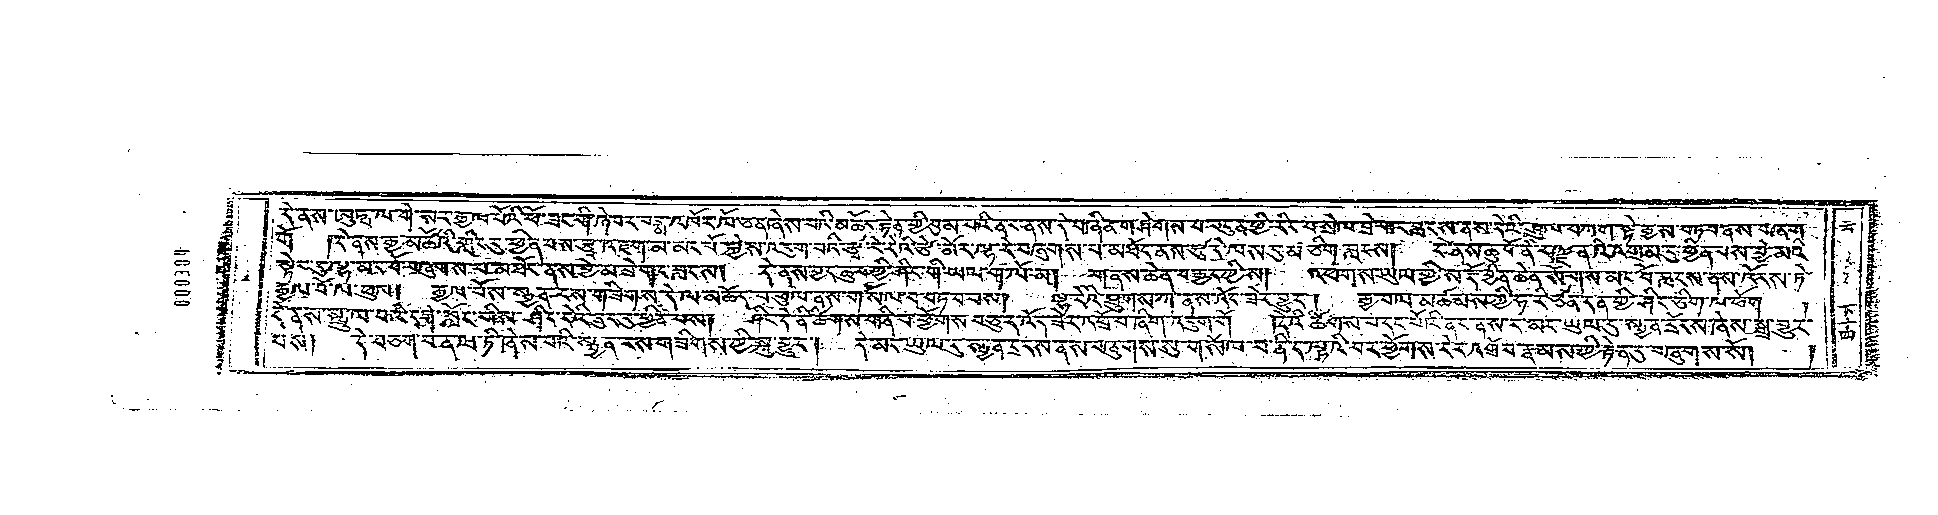དེ་ནས་ཨུཏྤ་ལ་གེ་སར་རྒྱལ་པོའི་ཕོ་བྲང་གི་ཉེ་བར་པདམ་འཁོར་ལོ་ཅན་ཞེས་པའི་མཆོད་རྟེན་གྱི་བུམ་པའི་ནང་ནས་དེ་བཞིན་གཤེགས་པ་བདུན་གྱི་རིང་བསྲེལ་བྲེ་གང་བླངས་ནས་དེའི་ཤུལ་བཀག་སྟེ་རྒྱས་བཏབ་ནས་བཞག་
གོ །དེ་ནས་རྒྱ་མཚོའི་གླིང་དུ་ཕྱིན་པས་རྩྭ་འཇག་མ་མང་པོ་སྐྱེས་འདུག་པའི་རྩྭ་རེ་རེའི་རྩེ་མོར་ལྷ་རེ་བཞུགས་པ་མཐོང་ནས་རྩྭ་དེ་ལས་དུམ་ཅིག་བླངས། དེ་ནས་ཆུ་བོ་ནཻ་རཉྫ་ནའི་འགྲམ་དུ་ཕྱིན་པས་བྱེ་མའི་
སྟེང་དུ་ལྷ་མང་པོ་བཞུགས་པ་མཐོང་ནས་བྱེ་མ་བྲེ་གང་བླངས། དེ་ནས་བྱང་ཆུབ་ཀྱི་ཤིང་གི་ཡལ་ག་ལོ་མ། གནས་ཆེན་བརྒྱད་ཀྱི་ས། འཕགས་ཡུལ་གྱི་ས་རྡོ་བྱིན་ཆེན་སོགས་མང་པོ་བླངས་ནས་འོངས་ཏེ་
རྒྱལ་པོ་ལ་ཕུལ། རྒྱལ་པོས་སྤྱན་རས་གཟིགས་དེ་ལ་མཆོད་པ་ཕུལ་ནས་གསོལ་བ་བཏབ་པས། ལྷ་དེའི་ཐུགས་ཀ་ནས་འོད་ཟེར་བྱུང་། རྒྱ་བལ་མཚམས་ཀྱི་ཧ་རི་ཙན་དན་གྱི་ཤིང་ཅིག་ལ་ཕོག །
དེ་ནས་སྤྲུལ་བའི་དགེ་སློང་གིས་ཤིང་དེའི་དྲུང་དུ་ཕྱིན་པས། ཤིང་དེ་ནི་ཚིགས་བཞི་བ་ཕྱོགས་བཅུར་འོད་ཟེར་འཕྲོ་བ་ཞིག་འདུག་གོ །དེའི་ཚིགས་པ་དང་པོའི་ནང་ནས་ང་མང་ཡུལ་དུ་སྤྱན་དྲོངས་ཞེས་སྒྲ་བྱུང་
བས། དེ་བཅག་པ་ན་ཝ་ཏི་ཞེས་པའི་སྤྱན་རས་གཟིགས་ཀྱི་སྐུ་བྱུང་། དེ་མང་ཡུལ་དུ་སྤྱན་དྲངས་ནས་བཞུགས་སུ་གསོལ་བ་ནི་ད་ལྟའི་བར་ཕྱོགས་དེར་འགྲོ་བ་རྣམས་ཀྱི་རྟེན་དུ་བཞུགས་སོ། །